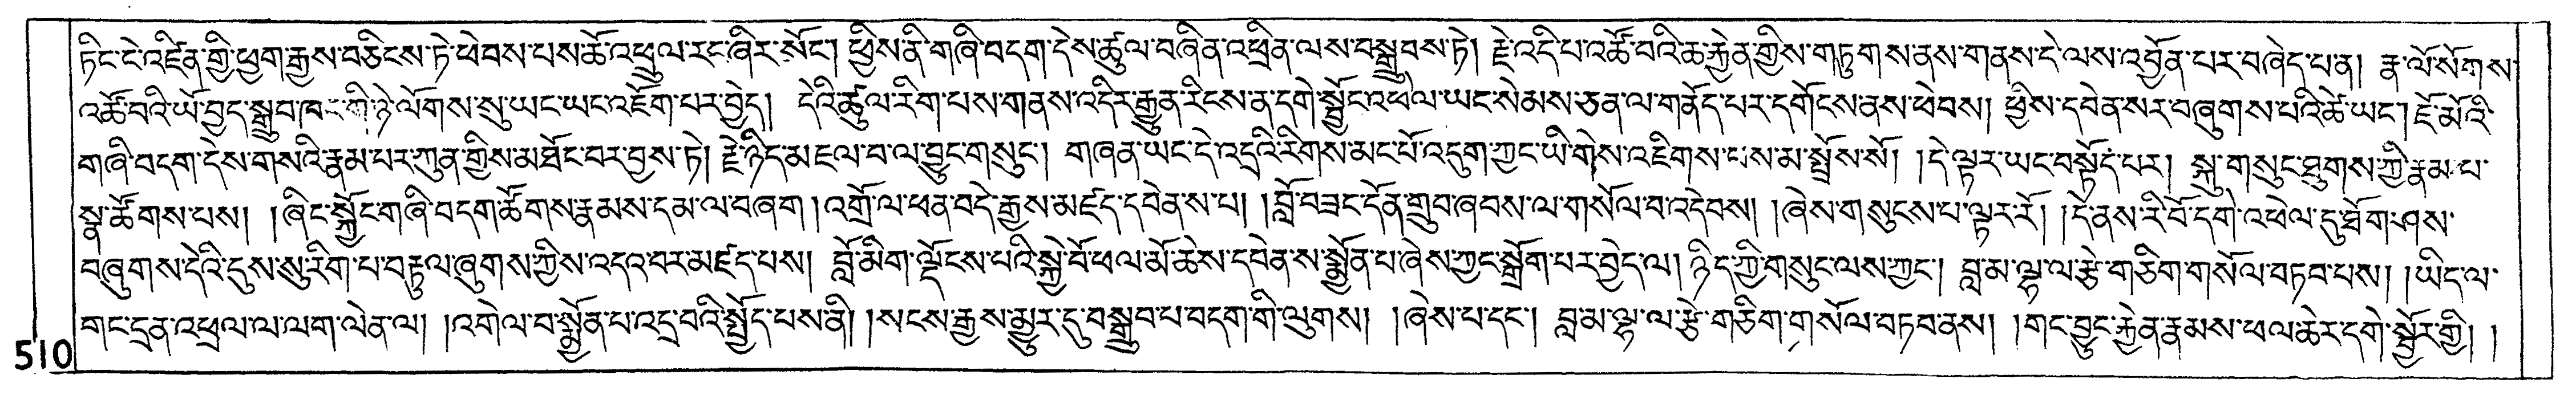ཏིང་ངེ་འཛིན་གྱི་ཕྱག་རྒྱས་བཅིངས་ཏེ་ཕེབས་པས་ཆོ་འཕྲུལ་རང་ཞིར་སོང་། ཕྱིས་ནི་གཞི་བདག་དེས་ཚུལ་བཞིན་འཕྲིན་ལས་བསྒྲུབས་ཏེ། རྗེ་འདི་པ་འཚོ་བའི་ཆ་རྐྱེན་གྱིས་གཏུགས་ནས་གནས་དེ་ལས་འབྱོན་པར་བཞེད་པ་ན། རྣ་ལོ་སོགས་
འཚོ་བའི་ཡོ་བྱད་སྒྲུབ་ཁང་གི་ཉེ་ལོགས་སུ་ཡང་ཡང་འཇོག་པར་བྱེད། དེའི་ཚུལ་རིག་པས་གནས་འདིར་རྒྱུན་རིངས་ན་དགེ་སྦྱོང་འཕེལ་ཡང་སེམས་ཅན་ལ་གནོད་པར་དགོངས་ནས་ཕེབས། ཕྱིས་དབེན་སར་བཞུགས་པའི་ཚེ་ཡང་། ཇོ་མོའི་
གཞི་བདག་དེས་གསའི་རྣམ་པར་ཀུན་གྱིས་མཐོང་བར་བྱས་ཏེ། རྗེ་ཉིད་མཇལ་བ་ལ་བྱུང་གསུང་། གཞན་ཡང་དེ་འདྲའི་རིགས་མང་པོ་འདུག་ཀྱང་ཡི་གེས་འཇིགས་པས་མ་སྤྲོས་སོ། །དེ་ལྟར་ཡང་བསྟོད་པར། སྐུ་གསུང་ཐུགས་ཀྱི་རྣམ་པ་
སྣ་ཚོགས་པས། །ཞིང་སྐྱོང་གཞི་བདག་ཚོགས་རྣམས་དམ་ལ་བཞག །འགྲོ་ལ་ཕན་བདེ་རྒྱས་མཛད་དབེན་ས་པ། །བློ་བཟང་དོན་གྲུབ་ཞབས་ལ་གསོལ་བ་འདེབས། །ཞེས་གསུངས་པ་ལྟར་རོ། །དེ་ནས་རི་བོ་དགེ་འཕེལ་དུ་ཐོག་ཤས་
བཞུགས་དེའི་དུས་སུ་རིག་པ་བརྟུལ་ཞུགས་ཀྱིས་འདའ་བར་མཛད་པས། བློ་མིག་ལྡོངས་པའི་སྐྱེ་བོ་ཕལ་མོ་ཆེས་དབེན་ས་སྨྱོན་པ་ཞེས་ཀྱང་སྒྲོག་པར་བྱེད་ལ། ཉིད་ཀྱི་གསུང་ལས་ཀྱང་། བླ་མ་ལྷ་ལ་རྩེ་གཅིག་གསོལ་བཏབ་པས། །ཡིད་ལ་
གང་དྲན་འཕྲལ་ལ་ལག་ལེན་ལ། །འགེལ་བ་སྨྱོན་པ་འདྲ་བའི་སྤྱོད་པས་ནི། །སངས་རྒྱས་མྱུར་དུ་བསྒྲུབ་པ་བདག་གི་ལུགས། །ཞེས་པ་དང་། བླ་མ་ལྷ་ལ་རྩེ་གཅིག་གསོལ་བཏབ་ནས། །གང་བྱུང་རྐྱེན་རྣམས་ཕལ་ཆེར་དགེ་སྦྱོར་གྱི།།